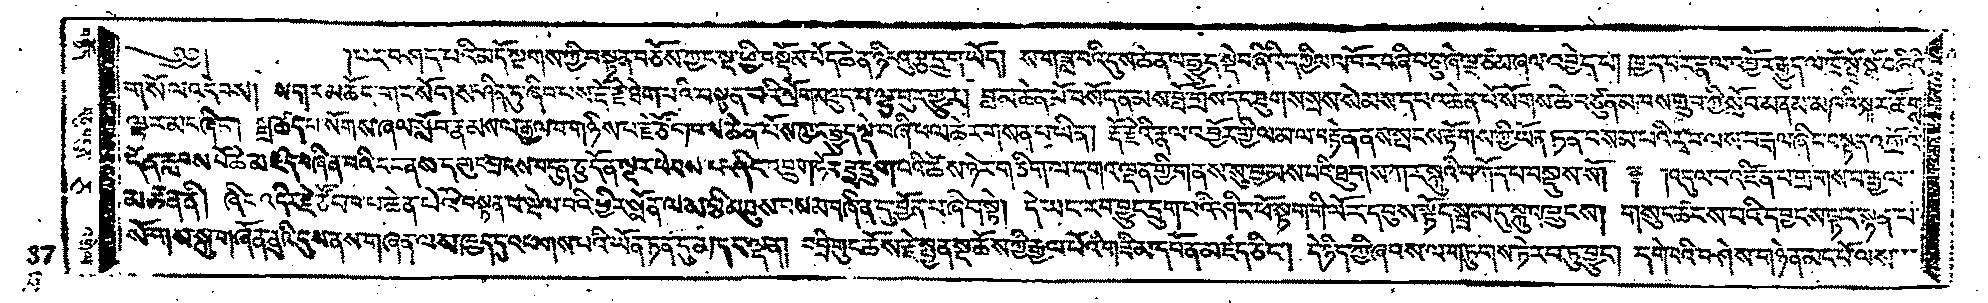༄༅། །པར་བཤད་པའི་མདོ་སྔགས་ཀྱི་བསྟན་བཅོས་ཀྱང་སྔ་ཕྱི་བསྡོམ་པོད་ཆེན་ཉི་ཤུ་རྩ་དྲུག་ཡོད། ས་ག་ཟླ་བའི་དུས་ཆེན་ལ་རྒྱུད་སྡེ་བཞིའི་དཀྱིལ་འཁོར་བཞི་བཅུ་ཞེ་ལྔ་ཙམ་ཞལ་འབྱེད་པ། ཁྱད་པར་རྣལ་འབྱོར་རྒྱུད་ལ་ཁྲོ་སྤྲོ་སྒོ་བཞིའི་
གསོལ་འདེབས། ས་གར་མཆོད་གར་སོགས་ཤིན་ཏུ་ཞིབ་པས་རྡོ་རྗེ་ཐེག་པའི་བསྟན་པའི་སྲོག་མཐུད་པ་ལྟ་བུར་གྱུར། བླ་མ་ཆེན་པོ་བསོད་ནམས་བློ་གྲོས་དང་ཐུགས་སྲས་སེམས་དཔའ་ཆེན་པོ་སོགས་ཆེ་བཙུན་མཁས་གྲུབ་ཀྱི་སློབ་མ་ནམ་མཁའི་སྐར་ཚོགས་
ལྟར་མང་ཞིང་། སྒྲ་ཚད་པ་སོགས་ཞལ་སློབ་རྣམས་ལ་རྒྱལ་བ་གཉིས་པ་རྗེ་ཙོང་ཁ་པ་ཆེན་པོས་ཀྱང་རྒྱུད་སྡེ་བཞི་ཕལ་ཆེར་གསན་པ་ཡིན། རྡོ་རྗེའི་རྣལ་འབྱོར་གྱི་ལམ་ལ་བརྟེན་ནས་སྤངས་རྟོགས་ཀྱི་ཡོན་ཏན་བསམ་པའི་རྭ་བ་ལས་བརྒལ་ཞིང་བསྟན་འགྲོའི་
དོན་རླབས་པོ་ཆེ་མཛད་བཞིན་པའི་ངང་ནས་དགུང་བྲངས་བདུན་ཅུ་དོན་ལྔར་ཕེབས་པ་ཤིང་འབྲུག་ཧོར་ཟླ་དྲུག་པའི་ཚེས་ཉེར་གཅིག་ལ་དགའ་ལྡན་གྱི་གནས་སུ་བྱམས་པའི་ཐུགས་ཀར་སྐུའི་བཀོད་པ་བསྡུས་སོ། ༈ །འདུལ་བ་འཛིན་པ་གྲགས་པ་རྒྱལ་
མཚན་ནི། ཞིང་འདིར་རྗེ་ཙོང་ཁ་པ་ཆེན་པོའི་བསྟན་པ་སྤེལ་བའི་ཕྱིར་སྨོན་ལམ་གྱི་མཐུས་བསམ་བཞིན་དུ་བྱོན་པ་ཞིག་སྟེ། དེ་ཡང་རབ་བྱུང་དྲུག་པའི་ཤིང་ཕོ་སྟག་གི་ལོར་དབུས་སྟོད་སྦྲ་མ་དུ་སྐུ་འཁྲུངས། གསུང་ཚངས་པའི་དབྱངས་ལྟར་སྙན་པ་
སོགས་སྐུ་གཞོན་ནུའི་དུས་ནས་གཞན་ལས་ཁྱད་དུ་འཕགས་པའི་ཡོན་ཏན་དུ་མ་དང་ལྡན། འབྲི་གུང་ཆོས་རྗེ་སྤྱན་སྔ་ཆོས་ཀྱི་རྒྱལ་པོའི་གཟིམ་དཔོན་མཛད་ཅིང་། དེ་ཉིད་ཀྱི་ཞབས་ལ་གཏུགས་ཏེ་རབ་ཏུ་བྱུང་། དགེ་བའི་བཤེས་གཉེན་མང་པོ་ལས་